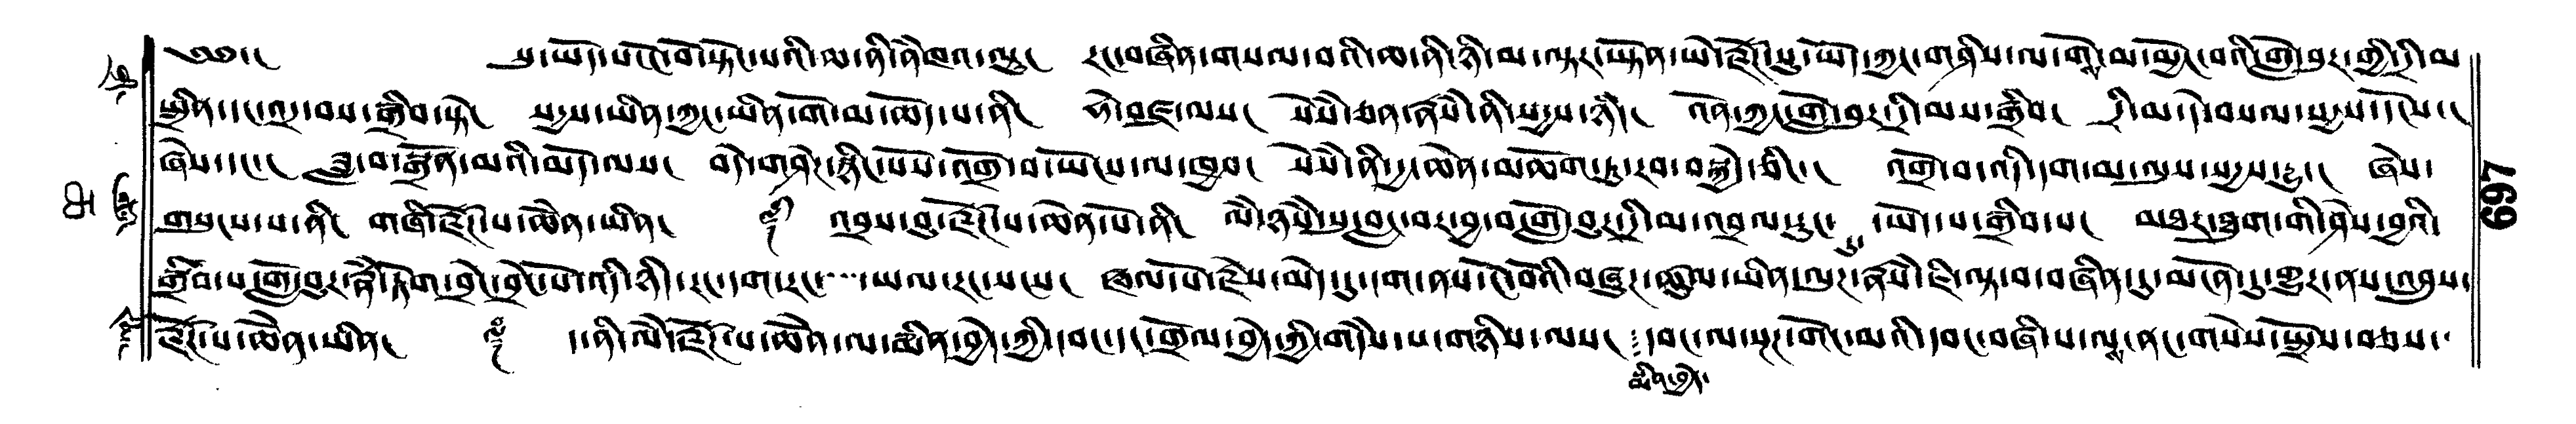སུ་ཡོད་པ་ངོ་བོ་སྟོང་པའི་ཆ་ནི་ནམ་མཁའ་ལྟ་བུ། རང་བཞིན་གསལ་བའི་ཆ་ནི་ཉི་མ་ལྟར་ཡོན་ཏན་ཡེ་རྫོགས་སུ་ཡོད་ཀྱང་གཤིས་ལ་གོས་མ་མྱོང་བའི་གློ་བུར་གྱི་དྲི་མ་
སྤྲིན་དང་འདྲ་བས་བསྒྲིབས་སྟེ། སངས་རྒྱས་ཡིན་ཀྱང་ཡིན་གོ་མ་ཆོད་པ་ནི། ཧེ་བཛྲ་ལས། སེམས་ཅན་རྣམས་ནི་སངས་རྒྱས་ཉིད། །འོན་ཀྱང་གློ་བུར་དྲི་མས་བསྒྲིབས། །དྲི་མ་དེ་བསལ་སངས་རྒྱས་དངོས། 
ཞེས་དང་། ཟླ་བ་སྒྲོན་མའི་མདོ་ལས། བདེ་གཤེགས་སྙིང་པོས་འགྲོ་བ་ཡོངས་ལ་ཁྱབ། །སེམས་ནི་རྒྱ་ཆེན་མཆོག་ཏུ་རབ་བསྐྱེད་ཅིང་། འགྲོ་བ་འདི་དག་མ་ལུས་སངས་རྒྱས་རྒྱུ། ཞེས་
གསུངས་པ་ནི། གཞི་རྫོགས་པ་ཆེན་པོ་ཡིན། ༈ འབྲས་བུ་རྫོགས་པ་ཆེན་པོ་ནི།ལམ་ཉམས་སུ་བླང་བར་བྱ་བ་གློ་བུར་དྲི་མ་འབྲལ་རུང་དུ་ཡོད་པ་སྒྲིབ་པ། མཐར་ཐུག་གི་ཤེས་བྱའི་
སྒྲིབ་པ་གློ་བུར་རྣམ་རྟོག་བྲེང་བྲེང་པོ་འདི་ཉིད་རང་དག་རང་ཡལ་རང་སངས། ཝལ་པོ་རྗེས་མེད་དུ་དག་ནས་ངོ་བོའི་བཞུགས་ཚུལ་ཡིན་ལུགས་རྣམས་ཇི་ལྟ་བ་བཞིན་དུ་མངོན་དུ་གྱུར་ན་འབྲས་བུ་
རྫོགས་པ་ཆེན་པོ་ཡིན། ༈ ད་ནི་ལམ་རྫོགས་པ་ཆེན་པོ་ལ་སྨིན་བྱེད་ཀྱི་དབང་དང་གྲོལ་བྱེད་ཀྱི་གདམས་པ་གཉིས་ལས། སྨིན་བྱེད་དབང་ལ་སྔགས་གོང་མའི་དབང་བཞི་པ་ལས་ནང་གསེས་སྤྲོས་བཅས་